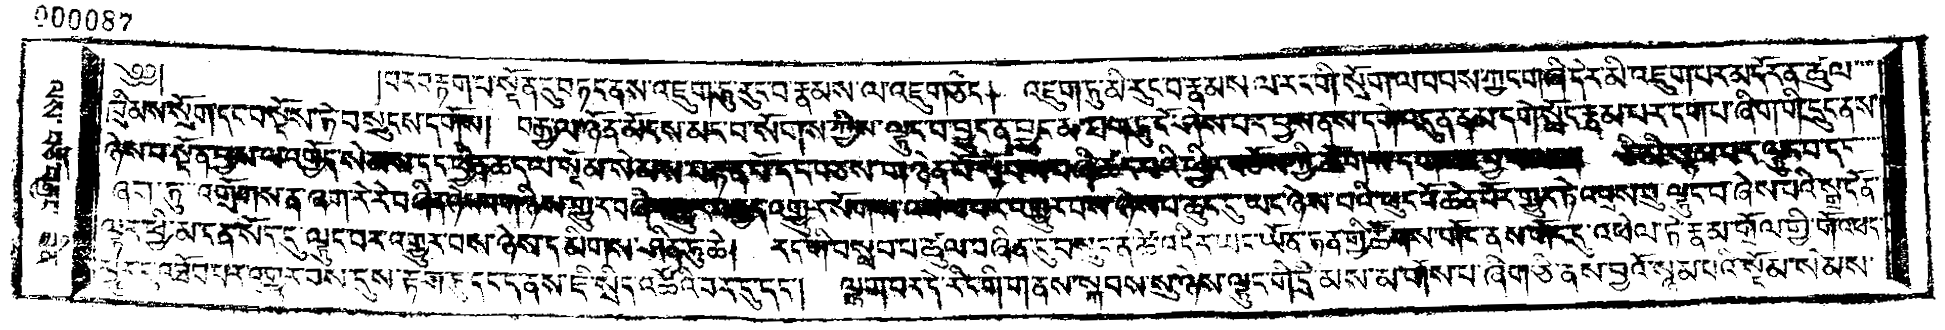༄༅། །པར་བརྟག་པ་སྔོན་དུ་བཏང་ནས་འཇུག་ཏུ་རུང་བ་རྣམས་ལ་འཇུག་ཅིང་། འཇུག་ཏུ་མི་རུང་བ་རྣམས་ལ་རང་གི་སྲོག་ལ་བབས་ཀྱང་གཞི་དེར་མི་འཇུག་པར་མདོར་ན་ཚུལ་
ཁྲིམས་སྲོག་དང་བསྔོས་ཏེ་བསྲུངས་དགོས། བརྒྱ་ལ་ཉོན་མོངས་མང་བ་སོགས་ཀྱིས་ལྟུང་བ་བྱུང་ན་བྱུང་མ་ཐག་ཏུ་ངོ་ཤེས་པར་བྱས་ནས་དགེ་འདུན་ནམ་དགེ་སློང་རྣམ་པར་དག་པ་ཞིག་གི་དྲུང་ནས་
ཉེས་པ་སྔོན་བྱས་ལ་འགྱོད་སེམས་དང་ཕྱིན་ཆད་ལ་སྡོམ་སེམས་བརྟན་པོ་དང་བཅས་གཉེན་པོ་སྟོབས་བཞི་ཚང་བའི་ཕྱིར་བཅོས་ཀྱི་ཆོ་གས་དག་པར་བྱ་བ་ལས། ཅི་མི་སྙམ་པར་ལྟུང་བ་དང་
ཞག་ཏུ་འགྲོགས་ན་ཞག་རེ་རེ་བཞིན་ཉེས་པ་གཉིས་གྱུར་བཞི་འགྱུར་བརྒྱད་འགྱུར་སོགས་འཕེལ་བར་འགྱུར་པས་ཉེས་པ་ཆུང་ངུ་ཡང་ཉེས་པའི་ཕུང་པོ་ཆེན་པོར་གྱུར་ཏེ་འབྲས་བུ་ལྟུང་བ་ཞེས་པའི་སྒྲ་དོན་
ལྟར་ཕྱི་མ་ངན་སོང་དུ་ལྟུང་བར་འགྱུར་བས་ཉེས་དམིགས་ཤིན་ཏུ་ཆེ། རང་གི་བསླབ་པ་ཚུལ་བཞིན་དུ་བསྲུང་ན་ཚེ་འདིར་ཡང་ཡོན་ཏན་གྱི་ཚོགས་གོང་ནས་གོང་དུ་འཕེལ་ཏེ་རྣམ་གྲོལ་གྱི་གོ་འཕང་
མྱུར་དུ་འཐོབ་པར་འགྱུར་བས་དུས་རྟག་ཏུ་དང་ད་ནས་ཇི་སྲིད་འཚོའི་བར་དུ་དང་། ལྷག་པར་དེ་རིང་གི་གནས་སྐབས་སུ་ཉེས་ལྟུང་གི་དྲི་མས་མ་གོས་པ་ཞིག་ཅི་ནས་བྱའོ་སྙམ་པའི་སྡོམ་སེམས་